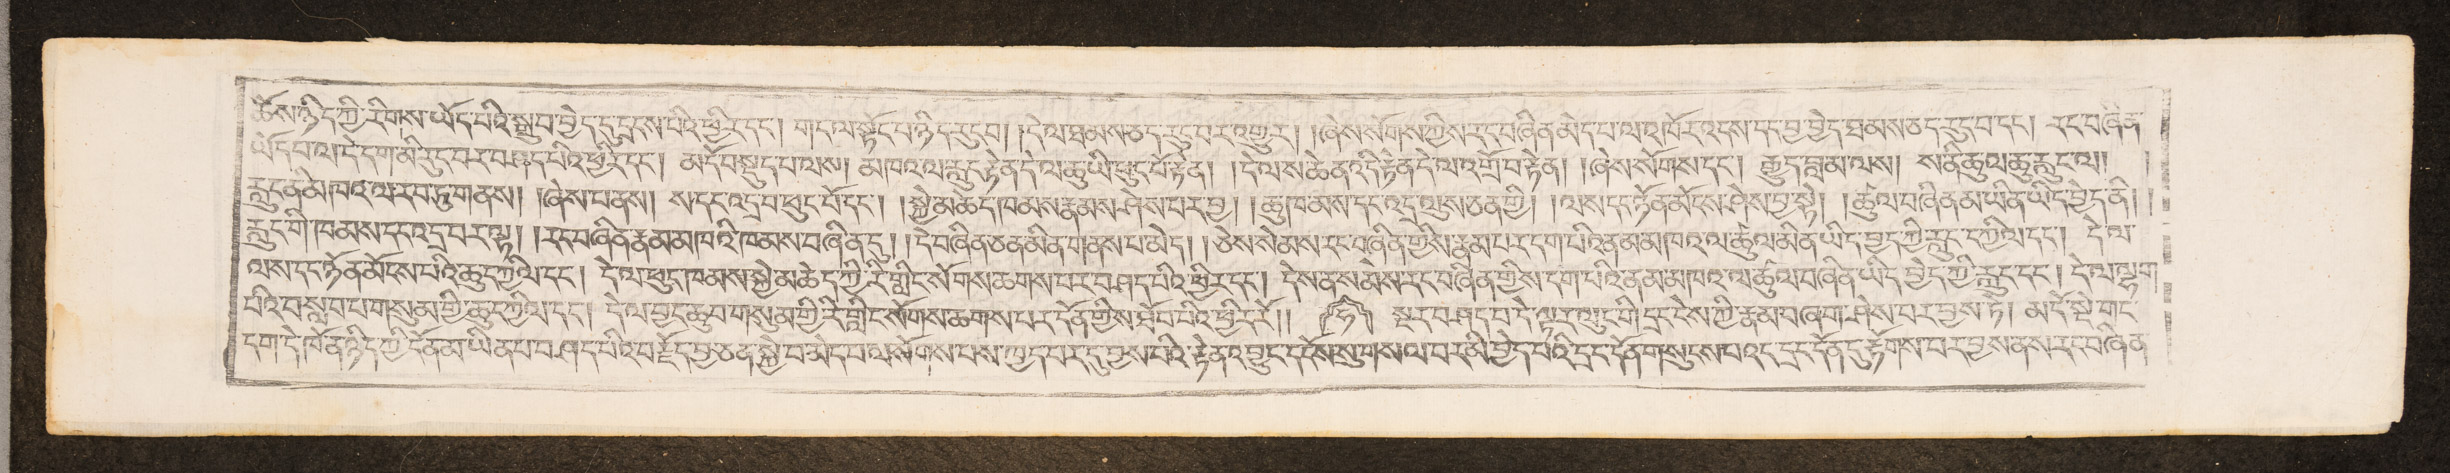ཆོས་ཉིད་ཀྱི་རིགས་ཡོད་པའི་སྒྲུབ་བྱེད་དུ་དྲངས་པའི་ཕྱིར་དང་། གང་ལ་སྟོང་པ་ཉིད་རུང་བ། །དེ་ལ་ཐམས་ཅད་རུང་བར་འགྱུར། །ཞེས་སོགས་ཀྱིས་རང་བཞིན་མེད་པ་ལ་འཁོར་འདས་དང་བྱ་བྱེད་ཐམས་ཅད་རུང་བ་དང་། རང་བཞིན་
ཡོད་པ་ལ་དེ་དག་མི་རུང་བར་བཤད་པའི་ཕྱིར་དང་། མདོ་བསྡུད་པ་ལས། མཁའ་ལ་རླུང་རྟེན་དེ་ལ་ཆུ་ཡི་ཕུང་པོ་རྟེན། །དེ་ལས་ཆེན་འདི་རྟེན་དེ་ལ་འགྲོ་བ་རྟེན། །ཞེས་སོགས་དང་། རྒྱུད་བླ་མ་ལས། ས་ནི་ཆུ་ལ་ཆུ་རླུང་ལ། །
རླུང་ནི་མཁའ་ལ་རབ་ཏུ་གནས། །ཞེས་པ་ནས། ས་དང་འདྲ་བ་ཕུང་པོ་དང་། །སྐྱེ་མཆེད་ཁམས་རྣམས་ཤེས་པར་བྱ། །ཆུ་ཁམས་དང་འདྲ་ལུས་ཅན་གྱི། །ལས་དང་ཉོན་མོངས་ཤེས་བྱ་སྟེ། ཚུལ་བཞིན་མ་ཡིན་ཡིད་བྱེད་ནི། །
རླུང་གི་ཁམས་དང་འདྲ་བར་ལྟ། །རང་བཞིན་རྣམ་མཁའི་ཁམས་བཞིན་དུ། །དེ་བཞིན་ཅན་མིན་གནས་པ་མེད། །ཅེས་སེམས་རང་བཞིན་གྱིས་རྣམ་པར་དག་པའི་ནམ་མཁའ་ལ་ཚུལ་མིན་ཡིད་བྱེད་ཀྱི་རླུང་དཀྱིལ་དང་། དེ་ལ་
ལས་དང་ཉོན་མོངས་པའི་ཆུ་དཀྱིལ་དང་། དེ་ལ་ཕུང་ཁམས་སྐྱེ་མཆེད་ཀྱི་རི་གླིང་སོགས་ཆགས་པར་བཤད་པའི་ཕྱིར་དང་། དེས་ན་སེམས་རང་བཞིན་གྱིས་དག་པའི་ནམ་མཁའ་ལ་ཚུལ་བཞིན་ཡིད་བྱེད་ཀྱི་རླུང་དང་། དེ་ལ་ལྷག་
པའི་བསླབ་པ་གསུམ་གྱི་ཆུ་དཀྱིལ་དང་། དེ་ལ་བྱང་ཆུབ་གསུམ་གྱི་རི་གླིང་སོགས་ཆགས་པར་དོན་གྱིས་ཐོབ་པའི་ཕྱིར་རོ།། ༼༽ཧ༼༽ སྔར་བཤད་པ་དེ་ལྟར་ལུང་གི་དྲང་ངེས་ཀྱི་རྣམ་བཞག་ཤེས་པར་བྱས་ཏེ། མདོ་སྡེ་གང་
དག་དེ་ཁོ་ན་ཉིད་ཀྱི་དོན་མ་ཡིན་པ་བཤད་པའི་བརྗོད་བྱ་ཅན་སྐྱེ་བ་མེད་པ་ལ་སོགས་པས་ཁྱད་པར་དུ་བྱས་པའི་རྟེན་འབྱུང་དངོས་སུ་གསལ་བར་མི་བྱེད་པའི་དྲང་དོན་གསུངས་པའང་དྲང་དོན་དུ་རྟོགས་པར་བྱས་ནས་རང་བཞིན་